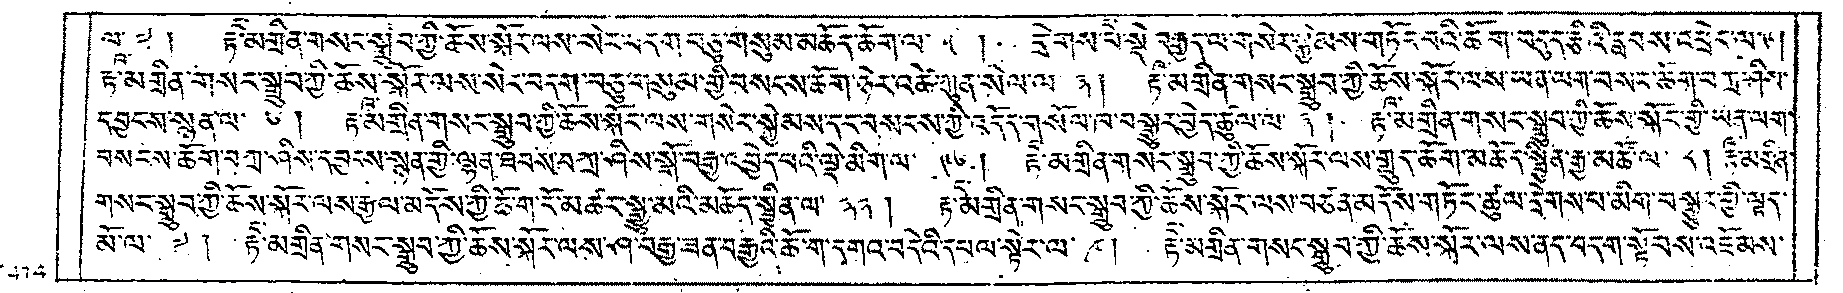ལ ༧། ང་རྟ་མགྲིན་གསང་སྒྲུབ་ཀྱི་ཆོས་སྐོར་ལས་སེར་བདག་བཅུ་གསུམ་མཆོད་ཆོ་ག་ལ ༥། དྲེགས་པ་ང་སྡེ་བརྒྱད་ལ་གསེར་སྐྱེམས་གཏོང་བའི་ཆོ་ག་བདུད་རྩིའི་རླབས་འཕྲེང་ལ ༤།
ཁ་རྟ་མགྲིན་གསང་སྒྲུབ་ཀྱི་ཆོས་སྐོར་ལས་སེར་བདག་བཅུ་གསུམ་གྱི་བསངས་ཆོག་ཉེར་འཚེ་ཀུན་སེལ་ལ ༣། ཁ་རྟ་མགྲིན་གསང་སྒྲུབ་ཀྱི་ཆོས་སྐོར་ལས་ཡན་ལག་བསང་ཆོག་བཀྲ་ཤིས་
དབྱངས་སྙན་ལ ༦། ཁ་རྟ་མགྲིན་གསང་སྒྲུབ་ཀྱི་ཆོས་སྐོར་ལས་གསེར་སྐྱེམས་དང་བསངས་ཀྱི་འདོད་གསོལ་ཁ་བསྒྱུར་བྱེད་ཚུལ་ལ ༣། རྟ་ཁ་མགྲིན་གསང་སྒྲུབ་ཀྱི་ཆོས་སྐོར་གྱི་ཡན་ལག་
བསངས་ཆོག་བཀྲ་ཤིས་དབྱངས་སྙན་གྱི་ལྷན་ཐབས་བཀྲ་ཤིས་སྒོ་བརྒྱ་འབྱེད་པའི་ལྡེ་མིག་ལ ༤༦། རྟ་ང་མགྲིན་གསང་སྒྲུབ་ཀྱི་ཆོས་སྐོར་ལས་གླུད་ཆོག་མཆོད་སྦྱིན་རྒྱ་མཚོ་ལ ༨། རྟ་ཁ་མགྲིན་
གསང་སྒྲུབ་ཀྱི་ཆོས་སྐོར་ལས་རྒྱལ་མདོས་ཀྱི་ཆོ་ག་མཚར་སྒྱུར་མའི་མཆོད་སྦྱིན་ལ ༣༢། རྟ་ང་མགྲིན་གསང་སྒྲུབ་ཀྱི་ཆོས་སྐོར་ལས་བཙན་མདོས་གཏོང་ཚུལ་དྲེགས་པ་མིག་བསྒྱུར་གྱི་ལྟད་
མོ་ལ ༧། ང་རྟ་མགྲིན་གསང་སྒྲུབ་ཀྱི་ཆོས་སྐོར་ལས་ཤ་བརྒྱ་ཟན་བརྒྱའི་ཆོ་ག་དགའ་བདེའི་དཔལ་སྟེར་ལ ༩། ང་རྟ་མགྲིན་གསང་སྒྲུབ་ཀྱི་ཆོས་སྐོར་ལས་ནད་བདག་སྟོབས་འཇོམས་